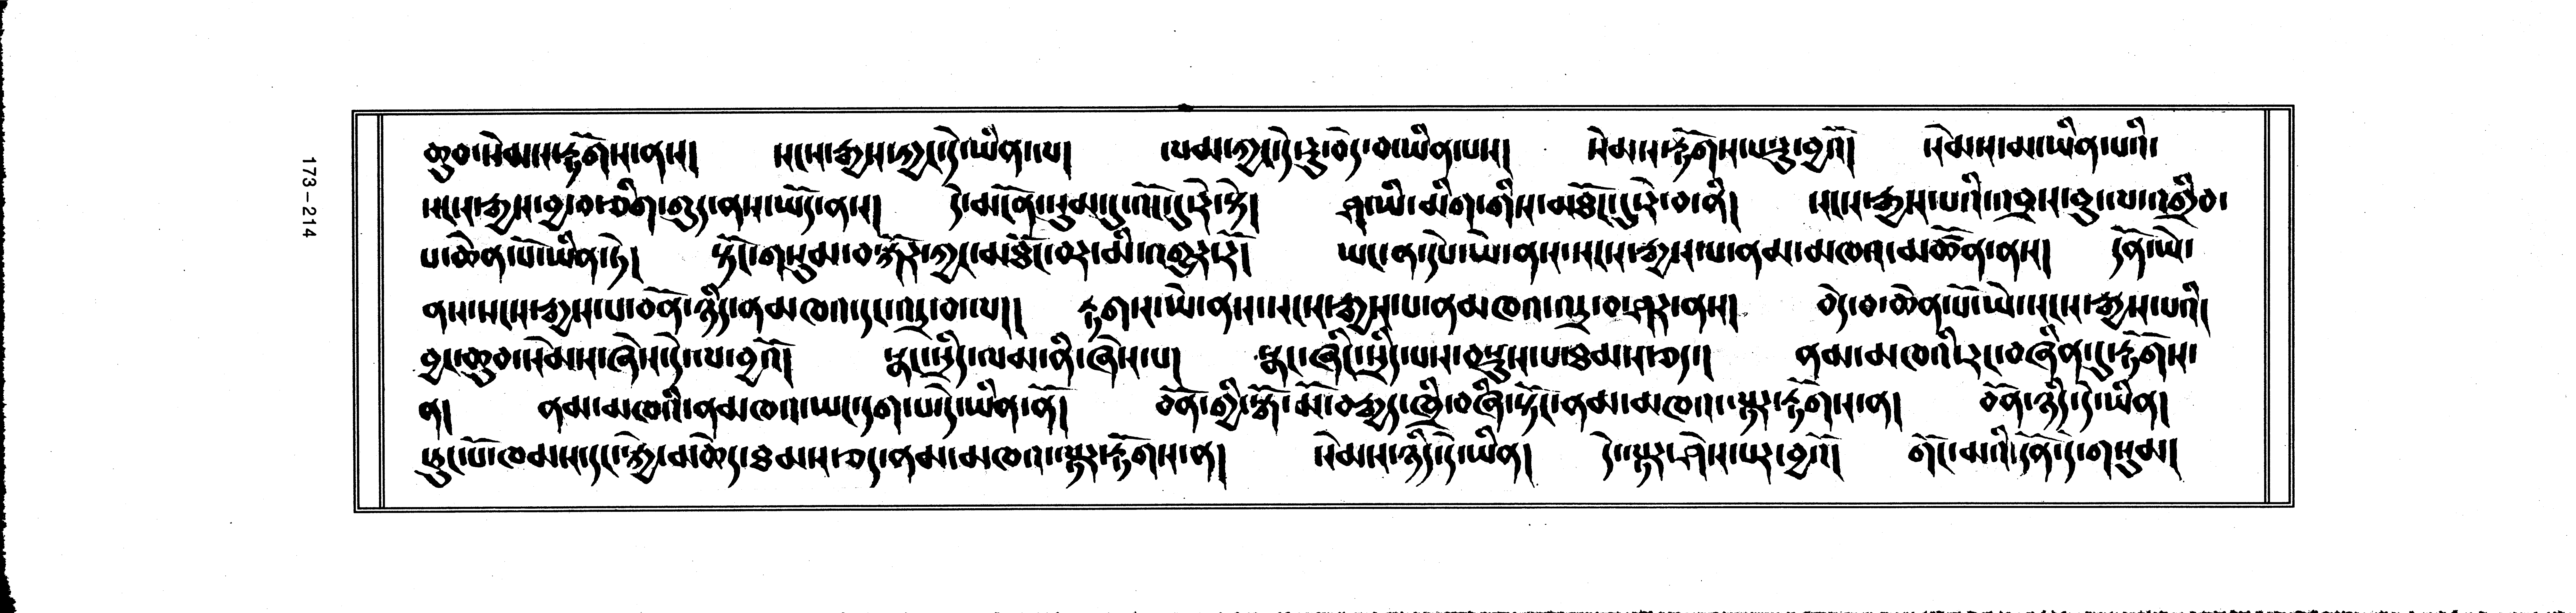ཆུབ་སེམས་རྟོགས་ནས། སངས་རྒྱས་ཀྱང་དེ་ཡིན་ལ། ལམ་ཀྱང་དེ་རུ་བདེ་བ་ཡིན་པས། སེམས་རྟོགས་པ་རུ་བྱའོ། །སེམས་མ་ཡིན་པའི་
སངས་རྒྱས་བྱ་བ་ཞིག་གུད་ནས་ཡོད་ནས། དེ་མངོན་སུམ་དུ་ཡོང་དུ་རེ་སྟེ། ཤ་ཡི་མིག་གིས་མཐོང་དུ་རེ་བ་ནི། སངས་རྒྱས་པའི་འབྲས་བུ་ལ་འགྲིབ་
པ་ཆེན་པོ་ཡིན་ཏེ། སྟོང་གསུམ་བསྐོར་ཀྱང་མཐོང་བར་མི་འགྱུར་རོ། །ཡང་ན་དཔེ་ཡེ་ནས་སངས་རྒྱས་ནམ་མཁའ་མཚོན་ནས། དོན་ཡེ་
ནས་སངས་རྒྱས་པ་བོན་ཉིད་ནམ་མཁའ་དང་འདྲ་བ་ལ། རྟགས་ཡེ་ནས་སངས་རྒྱས་པ་ནམ་མཁའ་དང་འདྲ་བ་ཤར་ནས། བདེ་བ་ཆེན་པོ་ཡེ་སངས་རྒྱས་པའི་
བྱང་ཆུབ་སེམས་ཞེས་དེ་ལ་བྱའོ། །སྣང་སྲིད་ལམ་ནི་ཞེས་པ། སྣང་ཞིང་སྲིད་པས་བསྡུས་པ་ཐམས་ཅད། ནམ་མཁའི་རང་བཞིན་དུ་རྟོགས་
ན། ནམ་མཁའི་ནམ་མཁའ་ཡང་དག་པ་དེ་ཡིན་ནོ། བོན་གྱི་སྒོ་མོ་བརྒྱད་ཁྲི་བཞི་སྟོང་ནམ་མཁའ་ལྟར་རྟོགས་ན། བོན་ཉིད་དེ་ཡིན། 
ཕུང་པོ་ཁམས་དང་སྐྱེ་མཆེད་ནམ་མཁའ་ལྟར་རྟོགས་ན་སེམས་ཉིད་དེ་ཡིན། དེ་ལྟར་ཤེས་པར་བྱའོ། །གོང་མའི་དོན་དེ་གསུམ།